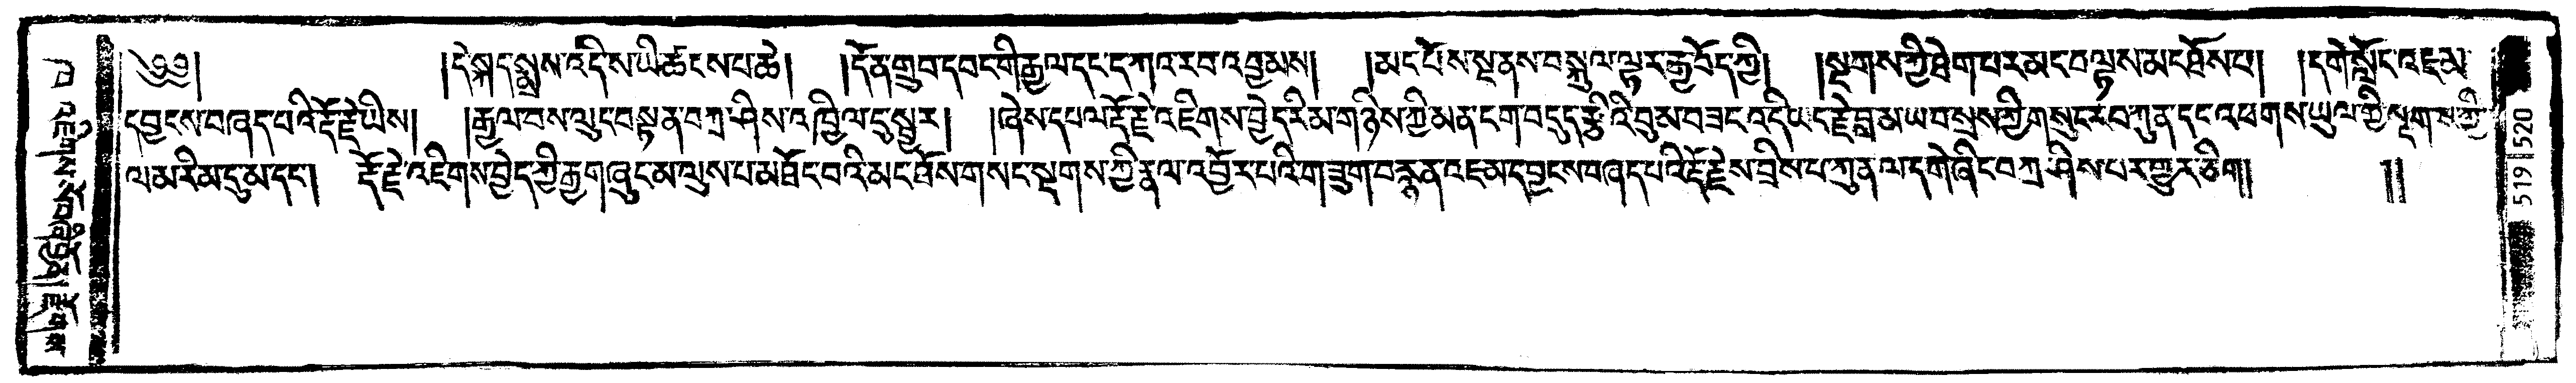༄༅། །དེ་སྐད་སྨྲས་འདིས་ཡི་ཚངས་པ་ཆེ། །དོན་གྲུབ་དབང་གི་རྒྱལ་དང་དཀའ་རབ་འབྱམས། །མང་པོས་སྔ་ནས་བསྐུལ་ལྟར་རྒྱ་བོད་ཀྱི། །སྔགས་ཀྱི་ཐེག་པར་མང་བལྟས་མང་ཐོས་པ། །དགེ་སློང་འཇམ་
དབྱངས་བཞད་པའི་རྡོ་རྗེ་ཡིས། །རྒྱལ་བས་ལུང་བསྟན་བཀྲ་ཤིས་འཁྱིལ་དུ་སྦྱར། །ཞེས་དཔལ་རྡོ་རྗེ་འཇིགས་བྱེད་རིམ་གཉིས་ཀྱི་མན་ངག་བདུད་རྩིའི་བུམ་བཟང་འདི་ཡང་རྗེ་བླ་མ་ཡབ་སྲས་ཀྱི་གསུང་རབ་ཀུན་དང་འཕགས་ཡུལ་གྱི་སྔགས་ཀྱི་
ལམ་རིམ་དུ་མ་དང་། རྡོ་རྗེ་འཇིགས་བྱེད་ཀྱི་རྒྱ་གཞུང་མ་ལུས་པ་མཐོང་བའི་མང་ཐོས་གསང་སྔགས་ཀྱི་རྣལ་འབྱོར་པའི་གཟུག་བརྙན་འཇམ་དབྱངས་བཞད་པའི་རྡོ་རྗེས་བྲིས་པ་ཀུན་ལ་དགེ་ཞིང་བཀྲ་ཤིས་པར་གྱུར་ཅིག། །།